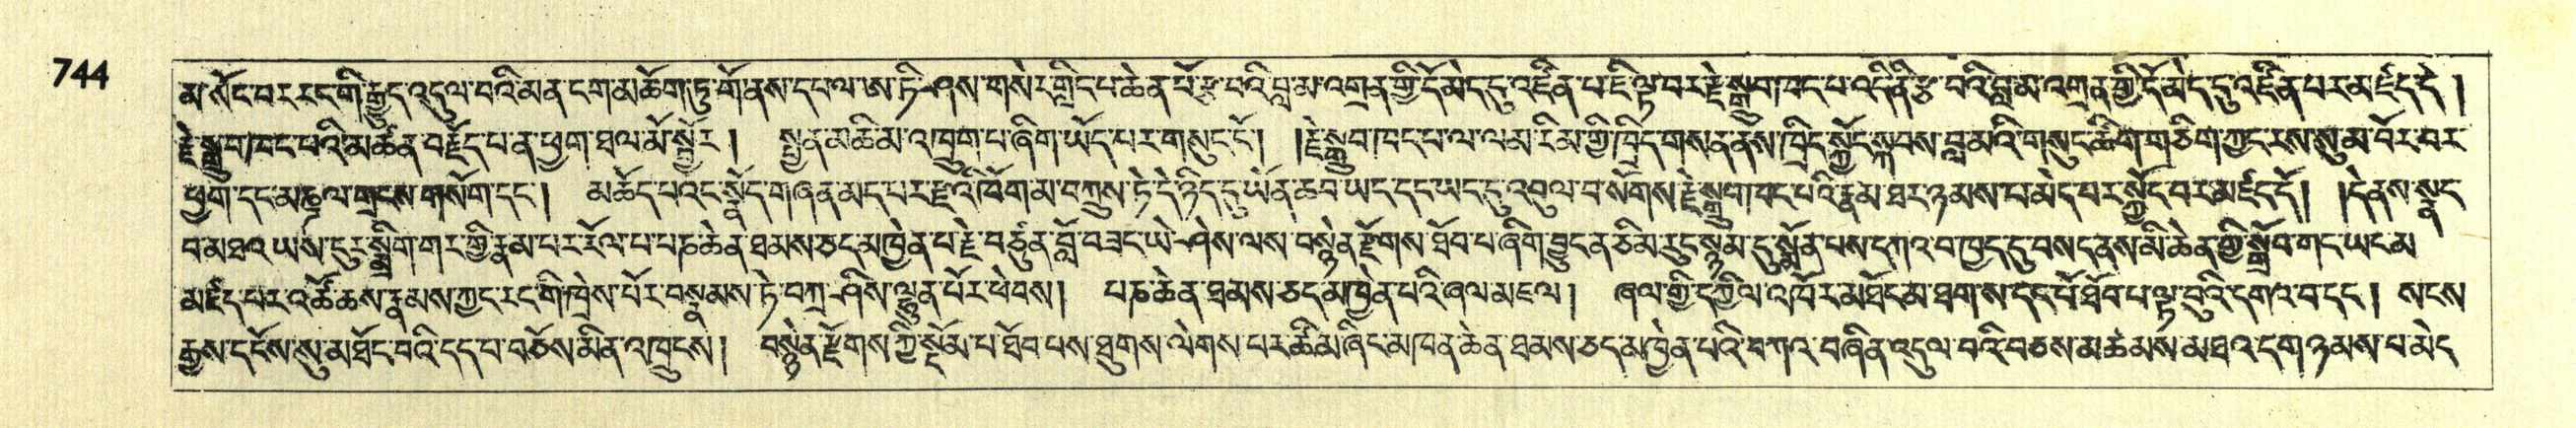མ་སོང་བར་རང་གི་རྒྱུད་འདུལ་བའི་མན་ངག་མཆོག་ཏུ་གོ་ནས་དཔལ་ཨ་ཏི་ཤས་གསེར་གླིང་པ་ཆེན་པོ་རྩ་བའི་བླ་མ་འགྲན་གྱི་དོ་མེད་དུ་འཛིན་པ་ཇི་ལྟ་བར་རྗེ་སྒྲུབ་ཁང་པ་འདི་ནི་རྩ་བའི་བླ་མ་འགྲན་གྱི་དོ་མེད་དུ་འཛིན་པར་མཛད་དེ།
རྗེ་སྒྲུབ་ཁང་པའི་མཚན་བརྗོད་པ་ན་ཕྱག་ཐལ་མོ་སྦྱོར། སྤྱན་མཆི་མ་འཁྲུག་པ་ཞིག་ཡོད་པར་གསུང་ངོ། །རྗེ་སྒྲུབ་ཁང་པ་ལ་ལམ་རིམ་གྱི་ཁྲིད་གསན་ནས་ཁྲིད་སྐྱོང་སྐབས་བླ་མའི་གསུང་ཚིག་གཅིག་ཀྱང་རས་སུམ་བོར་བར་
ཕྱག་དང་མཎྜལ་གྲངས་གསོག་དང་། མཆོད་པའང་སྣོད་གཞན་མད་པར་རྫའི་ཁོག་མ་བཀྲུས་ཏེ་དེ་ཉིད་དུ་ཡོན་ཆབ་ཡང་དང་ཡང་དུ་འབུལ་བ་སོགས་རྗེ་སྒྲུབ་ཁང་པའི་རྣམ་ཐར་ཉམས་པ་མེད་པར་སྐྱོད་བར་མཛད་དོ། །དེ་ནས་སྣང་
བ་མཐའ་ཡས་དུར་སྨྲིག་གར་གྱི་རྣམ་པར་རོལ་པ་པཎ་ཆེན་ཐམས་ཅད་མཁྱེན་པ་རྗེ་བཙུན་བློ་བཟང་ཡེ་ཤེས་ལས་བསྙེན་རྫོགས་ཐོབ་པ་ཞིག་བྱུང་ན་ཅི་མ་རུང་སྙམ་དུ་སྨོན་པས་དཀའ་བ་ཁྱད་དུ་བསད་ནས་མི་ཆེན་གྱི་སྒྲོབ་གང་ཡང་མ་
མཛད་པར་འཚོ་ཆས་རྣམས་ཀྱང་རང་གི་ཁྲེས་པོར་བསྣམས་ཏེ་བཀྲ་ཤིས་ལྷུན་པོར་ཕེབས། པཎ་ཆེན་ཐམས་ཅད་མཁྱེན་པའི་ཞལ་མཇལ། ཞལ་གྱི་དཀྱིལ་འཁོར་མཐོང་མ་ཐག་ས་དང་པོ་ཐོབ་པ་ལྟ་བུའི་དགའ་བ་དང་། སངས་
རྒྱས་དངོས་སུ་མཐོང་བའི་དད་པ་བཅོས་མིན་འཁྲུངས། བསྙེན་རྫོགས་ཀྱི་སྡོམ་པ་ཐོབ་པས་ཐུགས་ལེགས་པར་ཚིམ་ཞིང་མཁན་ཆེན་ཐམས་ཅད་མཁྱེན་པའི་བཀའ་བཞིན་འདུལ་བའི་བཅས་མཚམས་མཐའ་དག་ཉམས་པ་མེད་